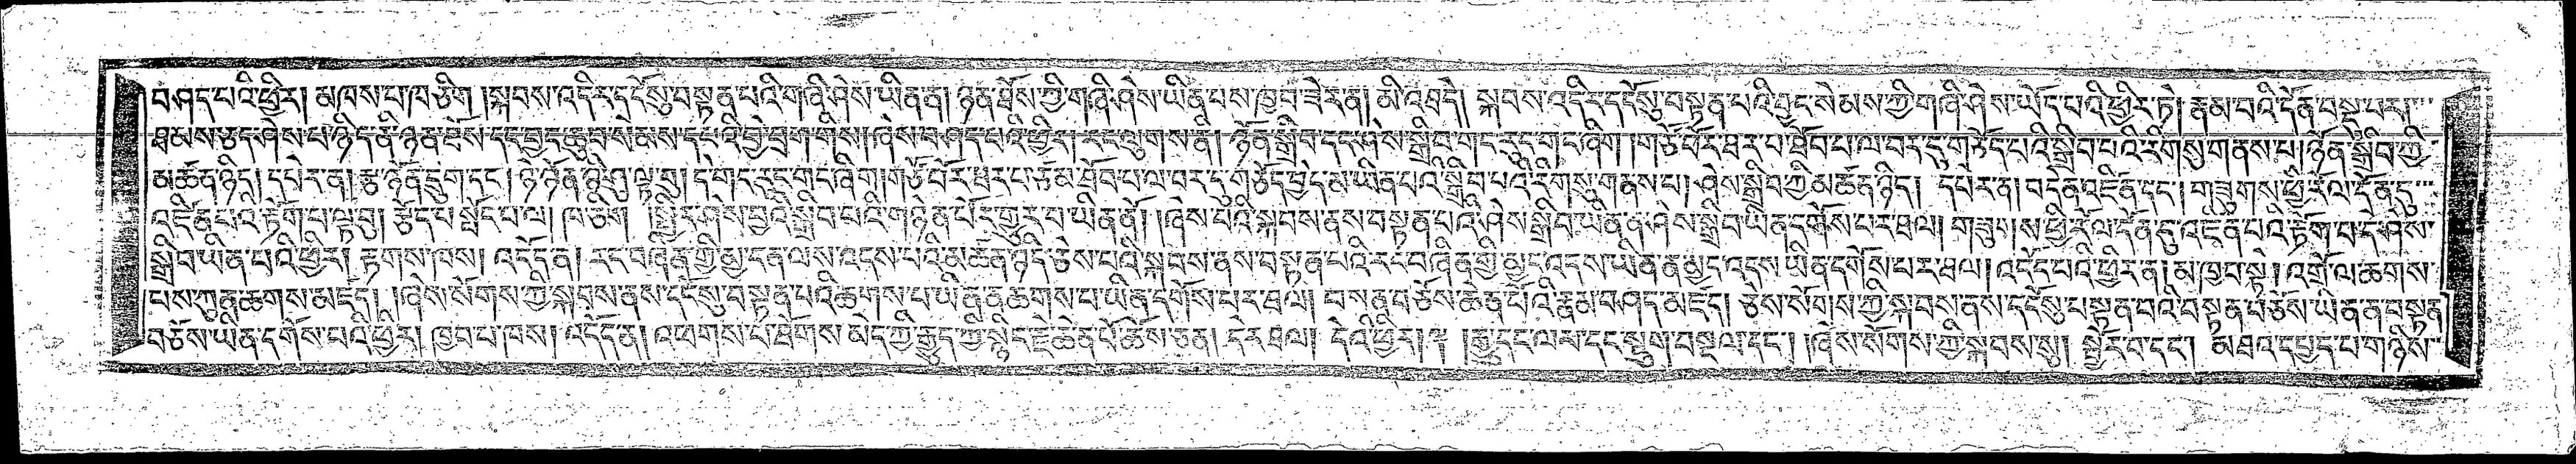བཤད་པའི་ཕྱིར། མཁས་པ་ཁ་ཅིག །སྐབས་འདིར་དངོས་སུ་བསྟན་པའི་གཞི་ཤེས་ཡིན་ན། ཉན་ཐོས་ཀྱི་གཞི་ཤེས་ཡིན་པས་ཁྱབ་ཟེར་ན། མི་འཐད་དེ། སྐབས་འདིར་དངོས་སུ་བསྟན་པའི་བྱང་སེམས་ཀྱི་གཞི་ཤེས་ཡོད་པའི་ཕྱིར་ཏེ། རྣམ་པའི་དོན་བསྡུ་བར།
ཐམས་ཅད་ཤེས་པ་ཉིད་ནི་ཉན་ཐོས་དང་བྱང་ཆུབ་སེམས་དཔའི་བྱེ་བྲག་གིས། ཞེས་བཤད་པའི་ཕྱིར། རང་ལུགས་ནི། ཉོན་སྒྲིབ་དང་ཤེས་སྒྲིབ་གང་རུང་གང་ཞིག །གཙོ་བོར་ཐར་པ་ཐོབ་པ་ལ་བར་དུ་གཅོད་པའི་སྒྲིབ་པའི་རིགས་སུ་གནས་པ་ཉོན་སྒྲིབ་ཀྱི་
མཚན་ཉིད། དཔེར་ན། རྩ་ཉོན་དྲུག་དང་། ཉེ་ཉོན་ཉི་ཤུ་ལྟ་བུ། དེ་གང་རུང་གང་ཞིག །གཙོ་བོར་ཐར་པ་ཙམ་ཐོབ་པ་ལ་བར་དུ་གཅོད་བྱེད་མ་ཡིན་པའི་སྒྲིབ་པའི་རིགས་སུ་གནས་པ། ཤེས་སྒྲིབ་ཀྱི་མཚན་ཉིད། དཔེར་ན། བདེན་འཛིན་དང་། གཟུགས་ཕྱི་རོལ་དོན་དུ་
འཛིན་པའི་རྟོགས་པ་ལྟ་བུ། རྩོད་པ་སྤོང་པ་ལ། ཁ་ཅིག །སྤྱིར་ཤེས་བྱའི་སྒྲིབ་པའི་གཉེན་པོར་གྱུར་པ་ཡིན་ནོ། །ཞེས་པའི་སྐབས་ནས་བསྟན་པའི་ཤེས་སྒྲིབ་ཡིན་ན་ཤེས་སྒྲིབ་ཡིན་དགོས་པར་ཐལ། གཟུགས་ཕྱི་རོལ་དོན་དུ་འཛིན་པའི་རྟོག་པ་དེ་ཤེས་
སྒྲིབ་ཡིན་པའི་ཕྱིར། རྟགས་ཁས། འདོད་ན། རང་བཞིན་གྱི་མྱ་ངན་ལས་འདས་པའི་མཚན་ཉིད་ཅེས་པའི་སྐབས་ནས་བསྟན་པའི་རང་བཞིན་གྱི་མྱང་འདས་ཡིན་ན་མྱང་འདས་ཡིན་དགོས་པར་ཐལ། འདོད་པའི་ཕྱིར་ན། མ་ཁྱབ་སྟེ། འགྲོ་ལ་ཆགས་
པས་ཀུན་ཆགས་མཛད། །ཞེས་སོགས་ཀྱི་སྐབས་ནས་དངོས་སུ་བསྟན་པའི་ཆགས་པ་ཡིན་ན་ཆགས་པ་ཡིན་དགོས་པར་ཐལ། བསྟན་བཅོས་ཆེན་པོའི་རྣམ་བཤད་མཛད། ཅེས་སོགས་ཀྱི་སྐབས་ནས་དངོས་སུ་བསྟན་པའི་བསྟན་བཅོས་ཡིན་ན་བསྟན་
བཅོས་ཡིན་དགོས་པའི་ཕྱིར། ཁྱབ་པ་ཁས། འདོད་ན། འཕགས་པ་ཐོགས་མེད་ཀྱི་རྒྱུད་ཀྱི་སྙིང་རྗེ་ཆེན་པོ་ཆོས་ཅན། དེར་ཐལ། དེའི་ཕྱིར། ༈ །རྒྱུ་དང་ལམ་དང་སྡུག་བསྔལ་དང་། །ཞེས་སོགས་ཀྱི་སྐབས་སུ། སྦྱོར་བ་དང་། མཐའ་དཔྱད་པ་གཉིས་